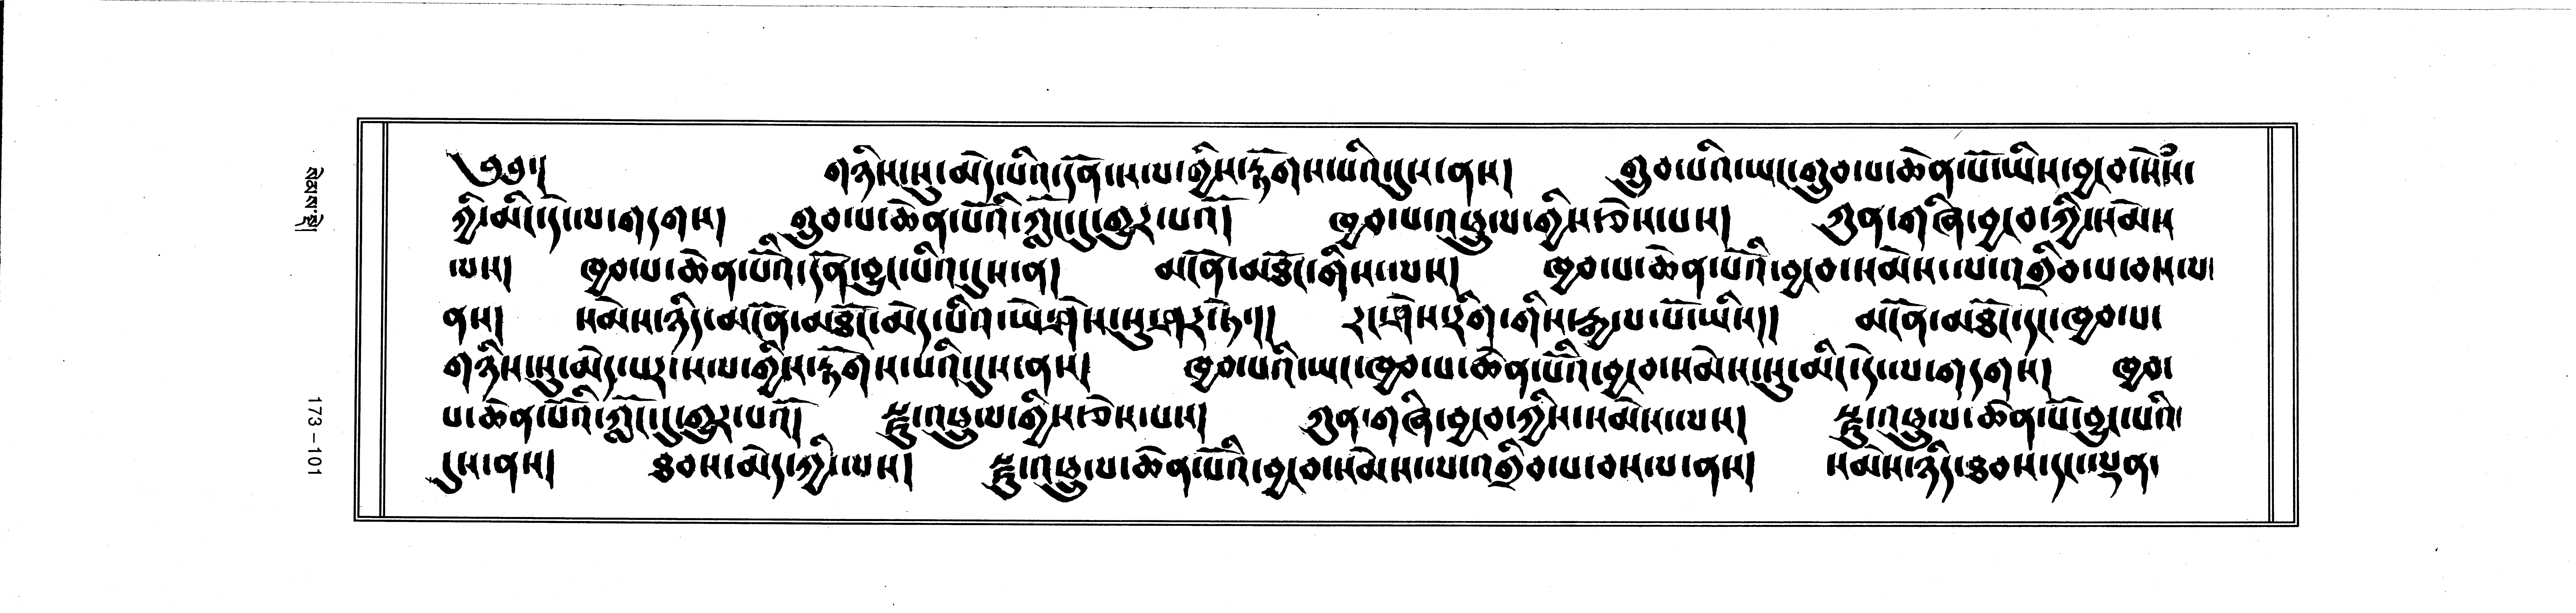གཉིས་སུ་མེད་པའི་དོན་སལ་གྱིས་རྟོགས་པའི་དུས་ནས། གྲུབ་པའི་ཡང་གྲུབ་པ་ཆེན་པོ་ཡིས་བྱང་ཆུབ་སེམས་
ཀྱི་མིང་དེ་ལ་གདགས། གྲུབ་པ་ཆེན་པོའི་ཀློང་དུ་གྱུར་པའོ། །ཁྱབ་པ་འཕྲུལ་གྱིས་ཅེས་པས། ཀུན་གཞི་བྱང་ཆུབ་ཀྱི་སེམས་
ལས། ཁྱབ་པ་ཆེན་པོའི་དོན་བྱུང་བའི་དུས་ནས། འཛིན་ཆགས་ཀྱི་ལས་ནི། ཁྱབ་ོ་ཆེན་པོའོ་བྱ་བ་སེམས་ལས་འགྲིབ་པ་བསལ་
ནས། སེམས་ཉིད་མངོན་མཐོང་མེད་པའི་ཡེ་ཤེས་སུ་ཤར་ཏེ། རང་གི་རིག་གི་རྒྱས་པོ་ཡིས། མངོན་མཐོང་དང་ཁྱབ་པ་
གཉིས་སུ་མེད་པར་སལ་གྱིས་རྟོགས་པའི་དུས་ན། ཁྱབ་པའི་ཡང་ཁྱབ་པ་ཆེན་པོའི་བྱང་ཆུབ་ཀྱིས་མིང་དེ་ལ་གདགས། ཁྱབ་
པ་ཆེན་པོའི་ཀློང་དུ་གྱུར་པའོ། །རྫུ་འཕྲུལ་གྱི་ཅེས་པས། ཀུན་གཞི་བྱང་ཆུབ་ཀྱི་སེམས་ལས། རྫུ་འཕྲུལ་ཆེན་པོ་བྱུང་བའི་
དུས་ནས། ཐབས་མེད་ཀྱི་ལས། རྫུ་འཕྲུལ་ཆེན་པོའི་བྱང་ཆུབ་སེམས་ལས་འགྲིབ་པ་བསལ་ནས། སེམས་ཉིད་ཐབས་དང་ལྡན་